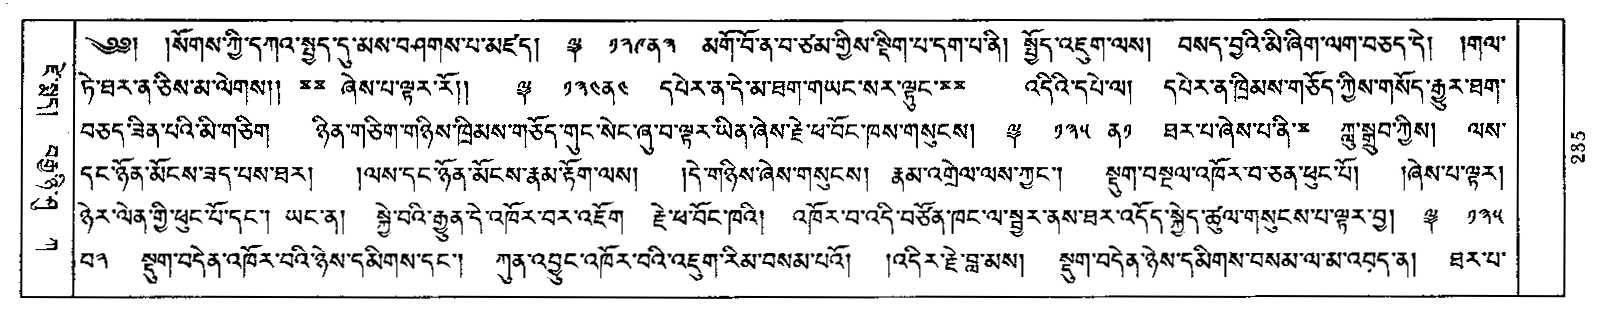༄༅། །སོགས་ཀྱི་དཀའ་སྤྱད་དུ་མས་བཤགས་པ་མཛད། ༈ ༡༢༩་ན ༣་མགོ་བོ་ན་བ་ཙམ་གྱིས་སྡིག་པ་དག་པ་ནི། སྤྱོད་འཇུག་ལས། བསད་བྱའི་མི་ཞིག་ལག་བཅད་དེ། །གལ་
ཏེ་ཐར་ན་ཅིས་མ་ལེགས།། ྾྾་ཞེས་པ་ལྟར་རོ།། ༈ ༡༣༤་ན ༤་དཔེར་ན་དེ་མ་ཐག་གཡང་སར་ལྟུང་྾྾་འདིའི་དཔེ་ལ། དཔེར་ན་ཁྲིམས་གཅོད་ཀྱིས་གསོད་རྒྱུར་ཐག་
བཅད་ཟིན་པའི་མི་གཅིག་ཉིན་གཅིག་གཉིས་ཁྲིམས་གཅོད་གུང་སེང་ཞུ་བ་ལྟར་ཡིན་ཞེས་རྗེ་ཕ་བོང་ཁས་གསུངས། ༈ ༡༣༥་ན ༡་ཐར་པ་ཞེས་པ་ནི་྾་ཀླུ་སྒྲུབ་ཀྱིས། ལས་
དང་ཉོན་མོངས་ཟད་པས་ཐར། །ལས་དང་ཉོན་མོངས་རྣམ་རྟོག་ལས། །དེ་གཉིས་ཞེས་གསུངས། རྣམ་འགྲེལ་ལས་ཀྱང་། སྡུག་བསྔལ་འཁོར་བ་ཅན་ཕུང་པོ། །ཞེས་པ་ལྟར།
ཉེར་ལེན་གྱི་ཕུང་པོ་དང་། ཡང་ན། སྐྱེ་བའི་རྒྱུན་དེ་འཁོར་བར་འཇོག་རྗེ་ཕ་བོང་ཁའི། འཁོར་བ་འདི་བཙོན་ཁང་ལ་སྦྱར་ནས་ཐར་འདོད་སྐྱེད་ཚུལ་གསུངས་པ་ལྟར་བྱ། ༈ ༡༣༥
བ ༢་སྡུག་བདེན་འཁོར་བའི་ཉེས་དམིགས་དང་། ཀུན་འབྱུང་འཁོར་བའི་འཇུག་རིམ་བསམ་པའོ། །འདིར་རྗེ་བླ་མས། སྡུག་བདེན་ཉེས་དམིགས་བསམ་ལ་མ་འབད་ན། ཐར་པ་